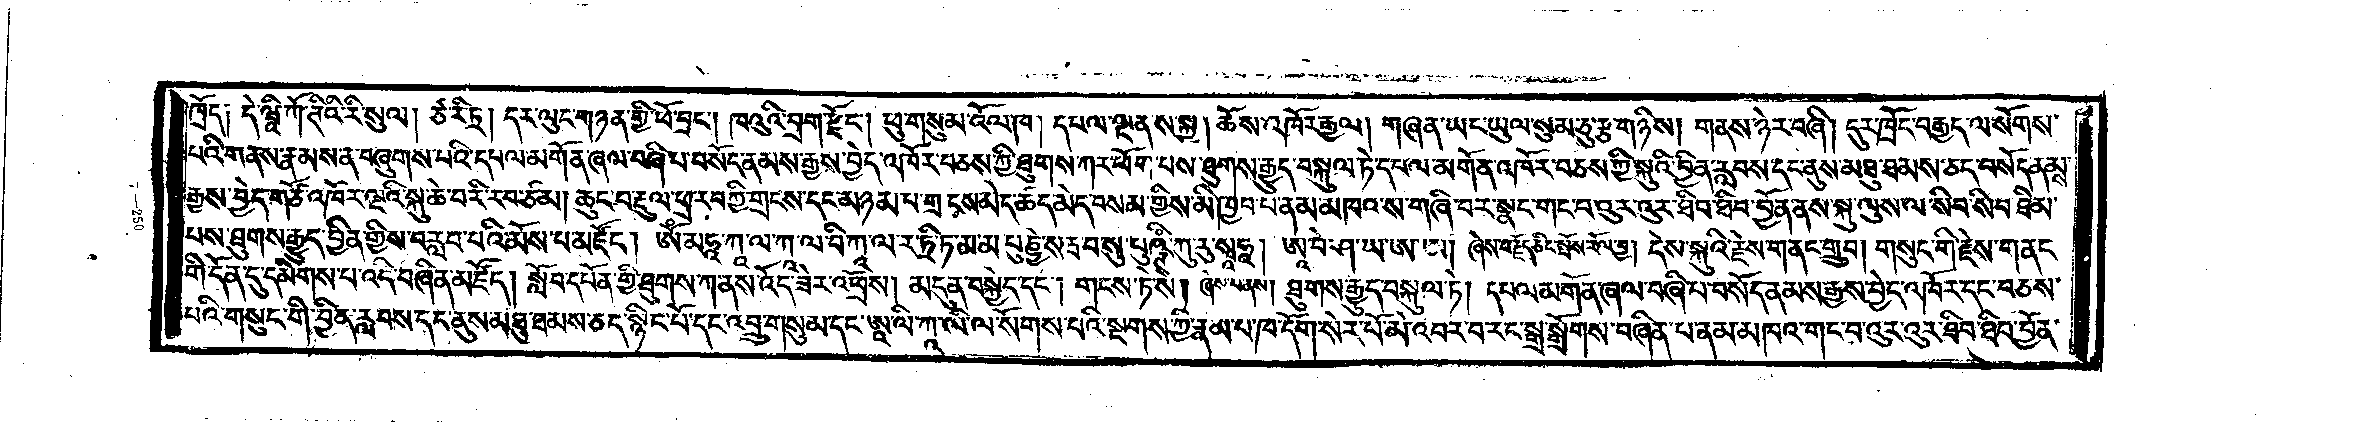ཁྲོད། དེ་ཝཱི་ཀོ་ཏིའི་རི་སུལ། ཙ་རི་ཏ། དར་ལུང་གཉན་གྱི་ཕོ་བྲང་། ཁུའི་བྲག་རྫོང་། ཕུ་གསུམ་འོལ་ཁ། དཔལ་ལྡན་པས་ཀྱི། ཆོས་འཁོར་རྒྱལ། གཞན་ཡང་ཡུལ་སུམ་ཅུ་རྩ་གཉིས། གནས་ཉེར་བཞི། དུར་ཁྲོད་བརྒྱད་ལ་སོགས་
པའི་གནས་རྣམས་ན་བཞུགས་པའི་དཔལ་མགོན་ཞལ་བཞི་པ་བསོད་ནམས་རྒྱས་བྱེད་འཁོར་བཅས་ཀྱི་ཐུགས་ཀར་ཕྱོག་པས་ཐུགས་རྒྱུད་བསྐུལ་ཏེ་དཔལ་མོ་གོན་འཁོར་བཅས་ཀྱི་སྐུའི་བྱིན་རླབས་དང་ནུས་མཐུ་ཐམས་ཅད་བསོད་ནམས་
རྒྱས་བྱེད་གཙོ་འཁོར་ལྔའི་སྐུ་ཆེ་བ་རི་རབ་ཙམ། ཆུང་བ་རྟུལ་ཕྲ་རབ་ཀྱི་གྲེངས་དང་མཉམ་པ་གྲགས་མེད་ཚད་མེད་བསམ་གྱིས་མི་ཁྱབ་པ་ནམ་མཁའ་ས་གཞི་བར་སྣང་གང་བ་འུར་འུར་ཐིབ་ཐིབ་ཡོན་ནས་སྐུ་ལུས་ལ་སིབ་སིབ་ཐིམ་
པས་ཐུགས་རྒྱུད་བྱིན་གྱིས་བརླབ་པའི་མོས་པ་མཛོད། ཨོཾ་མྷཱ་ཀཱ་ལ་ཀ་ལ་ར་ཧི་ཏྲི་ཏ་མམ་པུ་ཉེ་ར་བ་བ་སུ་པུ་ཥྚི་ཀུ་རུ་སྭཱ་ཧཱ། ཨཱ་བེ་ཤ་ལ་ཨ་ཨ། ཞེས་བརྗོད་ཅིང་སྨོས་རོལ་བྱ། དེས་སྐུའི་རྗེས་གནང་གྲུབ། གསུང་གི་རྗེས་གནང་
གི་དོན་དུ་དམིགས་པ་འདི་བཞིན་བྫོད། སློབ་དཔོན་གྱི་ཐུགས་ཀ་ནས་འོད་ཟེར་འཕྲོས། བདུན་བསྐྱེད་དང་། གང་ཏེ་སེ། ཞེས་པ་ནས། ཐུགས་རྒྱུད་བསྐུལ་ཏེ། དཔལ་མགོན་ཞལ་བཞི་པ་བསོད་ནམས་རྒྱས་བྱེད་འཁོར་དང་བཅས་
པའི་གསུང་གི་བྱིན་རླབས་དང་ནུས་མཐུ་ཐམས་ཅད་སྙིང་པོ་དང་འབུར་གསུམ་དག་པའི་ལི་པའི་ལ་ཀཱ་ལ་སོགས་པའི་སྔགས་ཀྱི་རྣམ་པ་ཁ་དོག་ས་པོ་མེ་འབར་བ་རྣག་སྒྲ་སྒྲོགས་བཞིན་པ་ནམ་མཁའ་གང་བ་འུར་འུར་ཐིབ་ཐིབ་བྱོར་